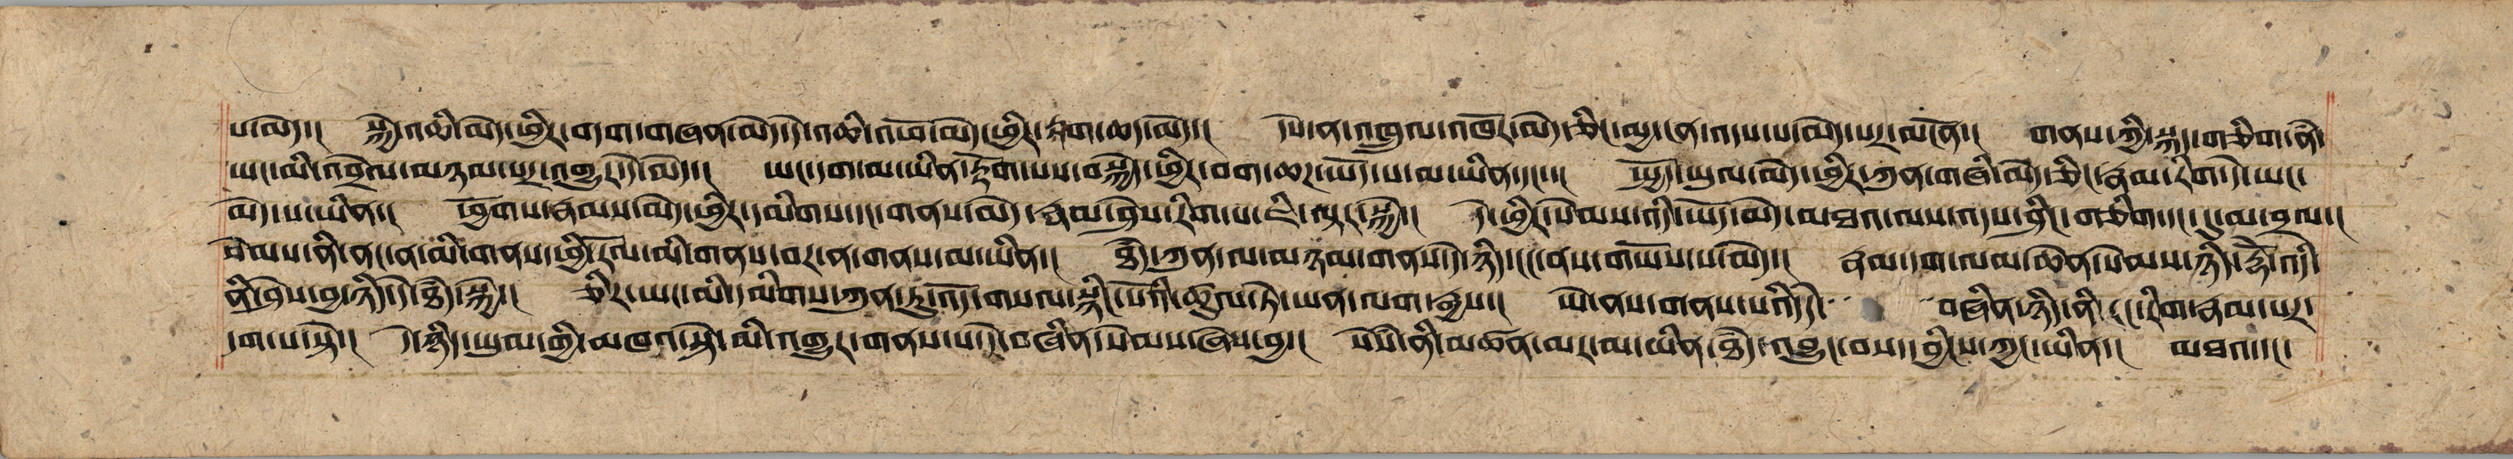པ་མེད་། སྐྱེ་འཆི་མེད་ཕྱིར་བདག་གཞན་མེད་དེ་འཆི་འཕོ་མེད་ཕྱིར་རྟག་ཆད་མེད་། དེས་ན་འཁྲུལ་འཁོར་མེད་ཅིང་མྱ་ངན་འདས་པ་མེད་པར་མངོན་། གནས་ཀྱི་སྐད་གཅིག་ནཾ་
ཡང་མི་འབྲེལ་མཉམ་པར་འགྱུར་དེ་མེད་། ཡང་དག་མ་ཡིན་རྟོག་པས་བསྐྱེད་ཕྱིར་བག་ཆཌ་ཡོད་པ་མ་ཡིན་དང་་། སྤྱོད་ཡུལ་མེད་ཕྱིར་ཀུན་གཞི་མེད་ཅིང་རྣམ་རིག་དེ་ཡང་
མེད་པ་ཡིན་། ཕྱོགས་རྣམས་མེད་ཕྱིར་དམིགས་དང་གནས་མེད་རྣམ་ཤེས་རིག་པ་ཇི་ལྟར་སྐྱེ་། དེ་ཕྱིར་སེམས་འདི་ཡོད་མེད་མཐའ་ལས་འདས་ཤིང་གཅིག་དང་དུ་མ་བྲལ་།
སེམས་ནི་ནང་ན་མི་གནས་ཕྱི་རོལ་མི་གནས་བར་ན་གནས་མ་ཡིན་། ཐཾད་ཀུན་ལ་མཉམ་གནས་དེ་ཉིད་ངང་ནས་གཡོས་པ་མེད་། རྣམ་དག་ལམ་ཆེན་སེམས་ཉིད་རྡོེ་འདི་
ནི་ཤེས་བྱ་ཉིད་དེ་ཐཾད་སྐྱེ་། ཅིར་ཡང་མི་དམིགས་ཀུན་ཏུ་འོད་གསལ་སྙིང་པོའི་ཚུལ་ཏེ་ཡན་ལག་རྒྱས་། ཡེ་ནས་གནས་པའི་དེ་ བཞིན་ཉིད་ནི་རང་རིག་རྣམ་པར་
དག་པ་སྟེ་། དེ་ཉིད་ཡུལ་གྱི་མཁའ་སྟེ་མི་འགྱུར་གནས་པ་དེ་བཞིན་སེམས་ཞེས་བྱ་། སེཾས་ནི་མཚན་མར་མ་ཡིན་ཐཾད་འབྱུང་བས་དབྱིངས་ཀྱང་ཡིན་། མཐའ་དང་